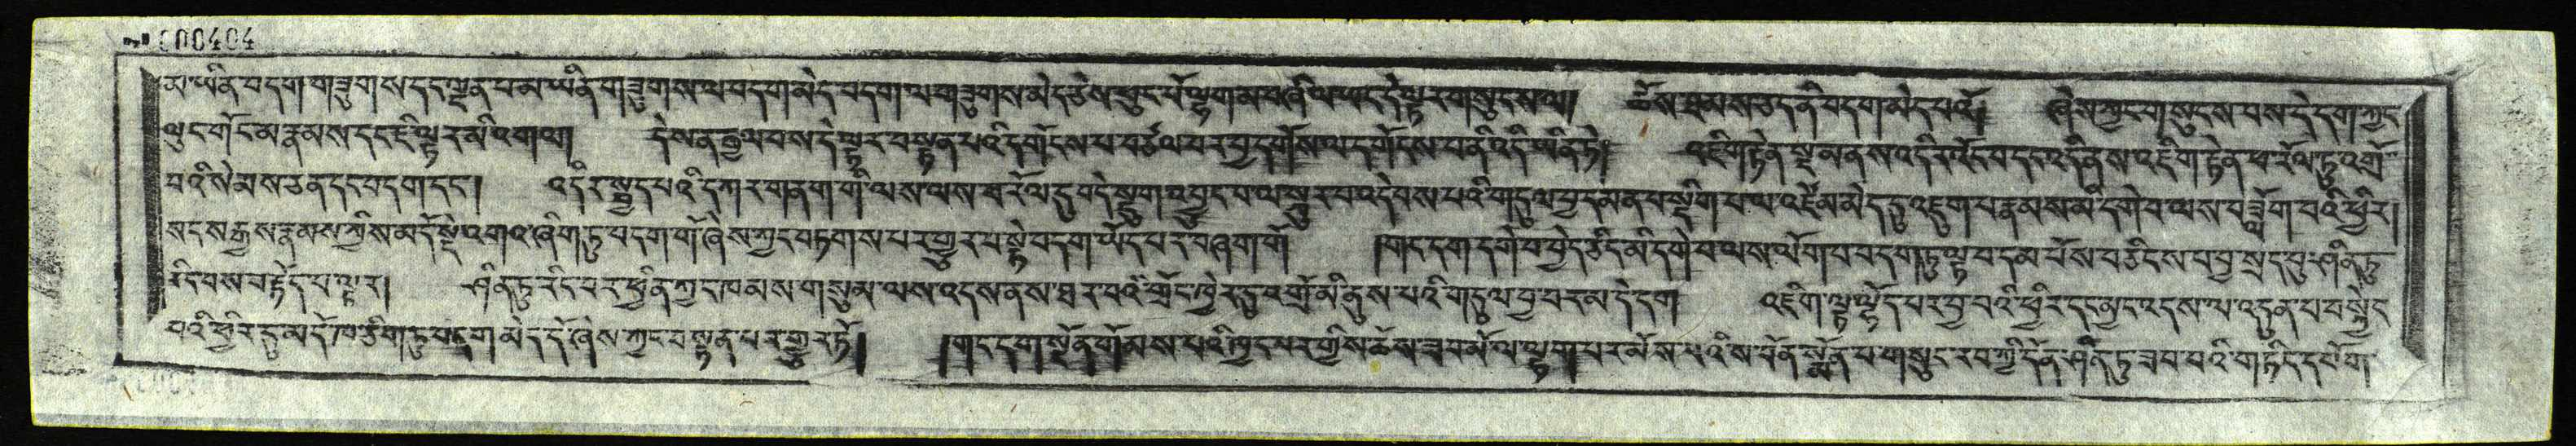མ་ཡིན་བདག་གཟུགས་དང་ལྡན་པ་མ་ཡིན་གཟུགས་ལ་བདག་མེད་བདག་ལ་གཟུགས་མེད་ཅེས་ཕུང་པོ་ལྷག་མ་བཞི་ལ་ཡང་དེ་ལྟར་གསུངས་ལ། ཆོས་ཐམས་ཅད་ནི་བདག་མེད་པའོ། ཞེས་ཀྱང་གསུངས་པས་དེ་དག་ཀྱང་
ལུང་གོང་མ་རྣམས་དང་ཇི་ལྟར་མི་འགལ། དེས་ན་རྒྱལ་བས་དེ་ལྟར་བསྟན་པའི་དགོངས་པ་བཙལ་བར་བྱ་དགོས་ལ་དགོངས་པ་ནི་འདི་ཡིན་ཏེ། འཇིག་རྟེན་སྔ་མ་ནས་འདིར་འོང་བ་དང་འདི་ནས་འཇིག་རྟེན་ཕ་རོལ་ཏུ་འགྲོ་
བའི་སེམས་ཅན་དང་བདག་དང་། འདིར་སྤྱད་པའི་དཀར་གནག་གི་ལས་ལས་ཕ་རོལ་དུ་བདེ་སྡུག་འབྱུང་བ་ལ་སྐུར་བ་འདེབས་པའི་གདུལ་བྱ་དམན་པ་སྡིག་པ་ལ་འཛེམ་མེད་དུ་འཇུག་པ་རྣམས་མི་དགེ་བ་ལས་བཟློག་པའི་ཕྱིར།
སངས་རྒྱས་རྣམས་ཀྱིས་མདོ་སྡེ་འགའ་ཞིག་ཏུ་བདག་གོ་ཞེས་ཀྱང་བཏགས་པར་གྱུར་པ་སྟེ་བདག་ཡོད་པར་བཞག་གོ །གང་དག་དགེ་བ་བྱེད་ཅིང་མི་དགེ་བ་ལས་ལོག་པ་བདག་ཏུ་ལྟ་བ་དམ་པོས་བཅིངས་པ་བྱ་སྲད་བུ་ཤིན་ཏུ་
རིང་བས་བརྟོད་པ་ལྟར། ཤིན་ཏུ་རིང་བར་ཕྱིན་ཀྱང་ཁམས་གསུམ་ལས་འདས་ནས་ཐར་པའི་གྲོང་ཁྱེར་དུ་འགྲོ་མི་ནུས་པའི་གདུལ་བྱ་བར་མ་དེ་དག་འཇིག་ལྟ་ལྷོད་པར་བྱ་བའི་ཕྱིར་དང་མྱང་འདས་ལ་འདུན་པ་བསྐྱེད་
པའི་ཕྱིར་དུ་མདོ་ཁ་ཅིག་ཏུ་བདག་མེད་དོ་ཞེས་ཀྱང་བསྟན་པར་གྱུར་ཏོ། །གང་དག་སྔོན་གོམས་པའི་ཁྱད་པར་གྱིས་ཆོས་ཟབ་མོ་ལ་ལྷག་པར་མོས་པའི་ས་བོན་སྨོན་པ་གསུང་རབ་ཀྱི་དོན་ཤིན་ཏུ་ཟབ་པའི་གཏིང་དཔོག་